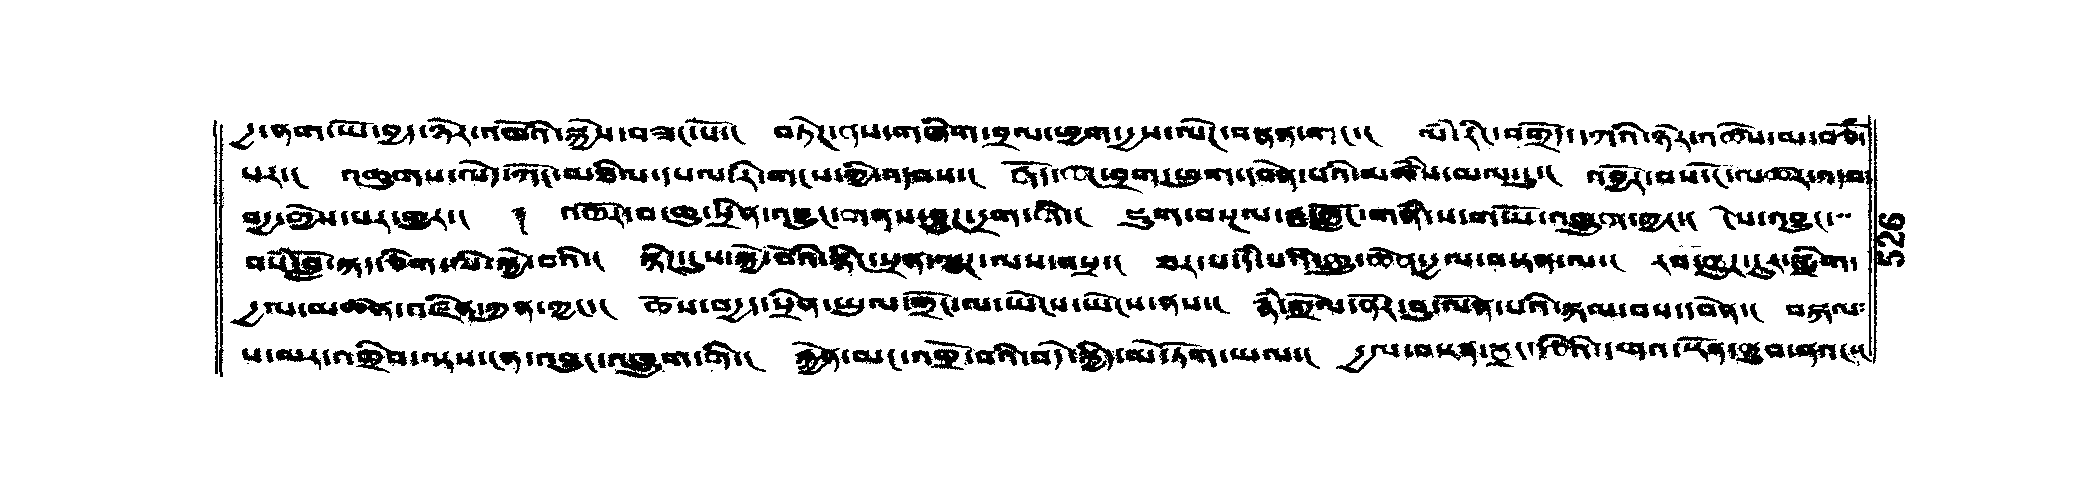།རྒྱ་ནག་ཡོ་བྱད་ཉེར་འཁོའི་སྐྱེས་བཟང་པོ། །བཏེགས་ནས་གཞིག་བྲལ་ཕྱག་རྒྱས་ལེགས་བསྣན་གང་། །ལམ་རིང་བགྲོད་དཀའི་ཉེར་འཚེས་མ་བཅོམ་
པར། །འཆུགས་མེད་ཀོང་མཐིལ་དཔལ་རི་གངས་ཀྱི་འདབས། །རྒོད་ཚང་བྲག་ཕུག་དབེན་པའི་མཚམས་མལ་དུ། །འབྱོར་བས་ངོ་མཚར་འདབ་
བརྒྱ་གྱེས་པར་གྱུར། །འཁོར་བ་ཆུ་སྲིན་འབྱུང་གནས་ཤུགས་དྲག་གི །སྡུག་བསྔལ་རྦ་ཀློང་གནམ་ས་གཡོ་འཁྲུག་ཀྱང་། །ངེས་འབྱུང་
བསམ་བློ་སྐད་ཅིག་མི་སྐྱེ་བའི། །སྙིགས་དུས་སྐྱོ་བོའི་སྙིང་སྲན་ལྕགས་ལས་བསྲ། །ཐར་པ་དམ་པའི་གྲུ་ཆེན་རྒྱལ་བསྟན་ལ། །རབ་ཞུགས་ངུར་སྨྲིག་
རྒྱལ་མཚན་འཛིན་ཀུན་ཀྱང་། །ཆོས་བརྒྱད་སྲིན་ཡུལ་གྲོང་ལ་ཡོངས་ཡོངས་ནས། །རྣམ་གྲོལ་ནོར་བུ་ལོན་པའི་སྐལ་བས་དབེན། །བསྐལ་
པ་མར་འགྲིབ་ལྟས་ངན་འབྱུང་འཁྲུག་གི།རྐྱེན་མང་འགྲོ་བའི་བདེ་སྐྱིད་མེ་ཏོག་ཡལ། །རྒྱལ་བསྟན་སྦྲང་རྩིའི་དགའ་སྟོན་ནུབ་ནའང་།